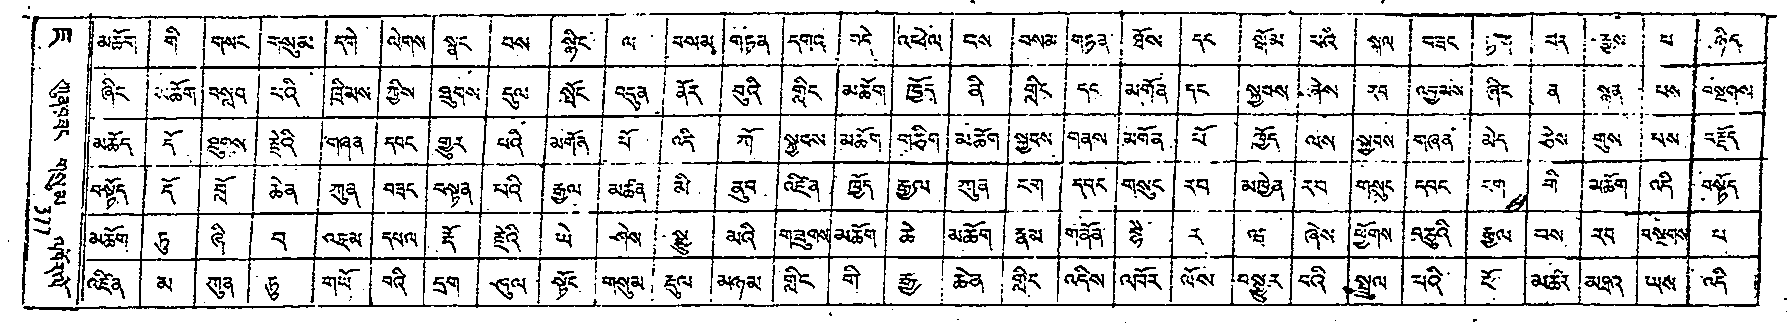༄༅། །མཆོག་གི་གསང་གསུམ་དགེ་ལེགས་སྣང་བས་སྙིང་ལ་བསམ་གཏན་དགའ་བདེ་འཕེལ་བས་བསམ་གཏན་ཐོས་དང་སྒོམ་པའི་སྐལ་བཟང་རྟག་པར་རྒྱས་པ་ཉིད་
ཞིང་མཆོག་བསླབ་པའི་ཁྲིམས་ཀྱིས་ཐུགས་དུལ་སྤོང་བདུན་ནོར་བུའི་གླིང་མཆོག་ཁྱོད་ནི་གླིང་དང་མགོན་དང་སྐྱབས་ཞེས་རབ་འབྱམས་ཞིང་ན་སྙན་པས་བསྔགས་
མཆོད་དོ་ཐུགས་རྗེའི་གཞན་དབང་གྱུར་པའི་མགོན་པོ་འདི་ཀོ་སྐྱབས་མཆོག་གཅིག་མཆོག་སྐྱབས་གནས་མགོན་པོ་ཁྱོད་ལས་སྐྱབས་གཞན་མེད་ཅེས་གུས་པས་བརྗོད་
བསྟོད་དོ་བློ་ཆེན་ཀུན་བཟང་བསྟན་པའི་རྒྱལ་མཚན་མི་ནུབ་འཛིན་ཁྱོད་རྒྱལ་ཀུན་ངག་དབང་གསུང་རབ་མཁྱེན་རབ་གསུང་དབང་ངག་གི་མཆོག་འདི་བསྟོད་
མཆོག་ཏུ་ཞི་བ་འཇམ་དཔལ་རྡོ་རྗེའི་ཡེ་ཤེས་སྒྱུ་མའི་གཟུགས་མཆོག་ཆེ་མཆོག་རྣམ་གནོན་བྷཻ་ར་ཝ་ཞེས་ཕྱོགས་བཅུའི་རྒྱལ་བས་རབ་བསྔགས་པ་
འཛིན་མ་ཀུན་ཏུ་གཡོ་བའི་དྲག་ཤུལ་སྟོང་གསུམ་རྡུལ་མཉམ་གླིང་གི་རྒྱ་ཆེན་གླིང་འདིས་འཁོར་ལོས་བསྒྱུར་བའི་སྤྲུལ་པའི་ངོ་མཚར་མཐའ་ཡས་འདི་